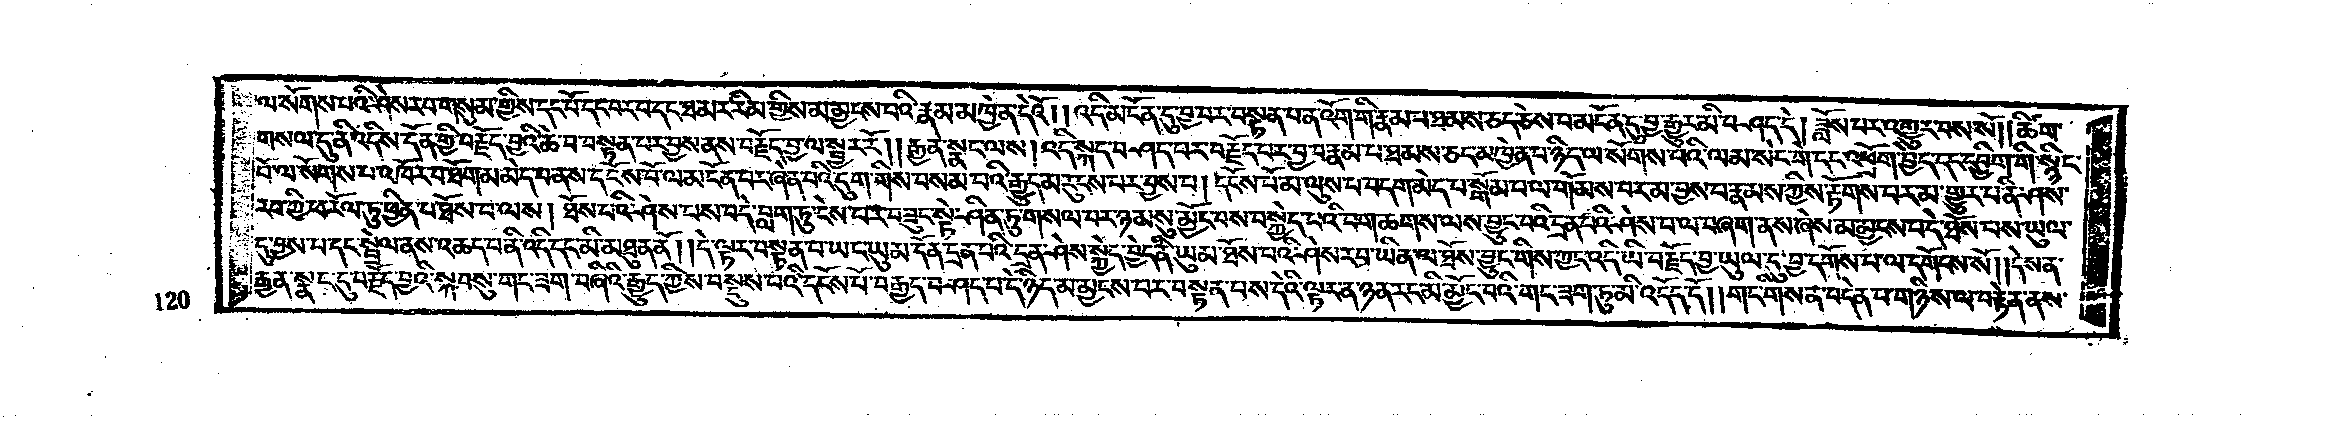ལ་སོགས་པའི་ཤེས་རབ་གསུམ་གྱིས་དང་པོ་དང་བར་པ་དང་ཐ་མར་རིམ་གྱིས་མ་མྱངས་པའི་རྣམ་མཁྱེན་དེའོ། །འདི་མངོན་དུ་བྱ་བར་བསྟན་པ་ན་འོག་གི་རྣམ་པ་ཐམས་ཅད་ཅེས་པ་མངོན་དུ་བྱ་རྒྱུར་མི་བཤད་དེ། ཟློས་པར་འགྱུར་བས་སོ། །ཚིག་
གསལ་དུ་ནི་འདིས་དོན་གྱི་བརྗོད་བྱའི་ཆེ་བ་བསྟན་པར་བྱས་ནས་བརྗོད་བྱ་ལ་སྦྱར་རོ། །རྒྱན་སྣང་ལས། འདི་སྐད་བཤད་པར་བརྗོད་པར་བྱ་བ་རྣམ་པ་ཐམས་ཅད་མཁྱེན་པ་ཉིད་ལ་སོགས་པའི་ལམ་སེང་གེ་དང་འཕྲོག་བྱེད་དང་དབྱིག་གི་སྙིང་
པོ་ལ་སོགས་པ་འཁོར་བ་ཐོག་མ་མེད་པ་ནས་དངོས་པོ་ལ་མངོན་པར་ཞེན་པའི་དུག་གིས་བསམ་པའི་རྒྱུད་མ་རུངས་པར་བྱས་པ། དངོས་པོ་མ་ལུས་པ་བདག་མེད་པ་སྒོམ་པ་ལ་གོམས་པར་མ་བྱས་པ་རྣམས་ཀྱིས་རྟོགས་པར་མ་གྱུར་པ་ནི་ཤེས་
རབ་ཀྱི་ཕ་རོལ་ཏུ་ཕྱིན་པ་ཐོས་པ་ལས། ཐོས་པའི་ཤེས་པས་བདེ་བླག་ཏུ་ངེས་པར་བཟུང་སྟེ་ཤིན་ཏུ་གསལ་བར་ཉམས་སུ་མྱོང་བས་བསྐྱེད་པའི་བག་ཆགས་ལས་བྱུང་བའི་དྲན་པའི་ཤེས་པ་ལ་བཞག་ནས་ཞེས་མ་མྱངས་པ་དེ་ཐོས་པས་ཡུལ་
དུ་བྱས་པ་དང་སྦྲེལ་ནས་འཆད་པ་ནི་འདི་དང་མི་མཐུན་ནོ། །དེ་ལྟར་བསྟན་པ་ཡང་ཡུམ་དོན་དྲན་པའི་དྲན་ཤེས་སྐྱེད་བྱེད་ནི་ཡུམ་ཐོས་པའི་ཤེས་རབ་ཡིན་ལ་ཐོས་བྱུང་གིས་ཀྱང་འདི་ཡི་བརྗོད་བྱ་ཡུལ་དུ་བྱ་དགོས་པ་ལ་དགོངས་སོ། །དེས་ན་
རྒྱན་སྣང་དུ་བརྗོད་བྱའི་སྐབས་སུ་གང་ཟག་བཞིའི་རྒྱུད་ཀྱིས་བསྡུས་པའི་དངོས་པོ་བརྒྱད་བཤད་པ་དེ་ཉིད་མ་མྱངས་པར་བསྟན་པས་དེའི་ལྟར་ན་ཉན་རང་མི་མྱོང་བའི་གང་ཟག་ཏུ་མི་འདོད་དོ། །གང་གིས་ན་བདེན་པ་གཉིས་ལ་བརྟེན་ནས་